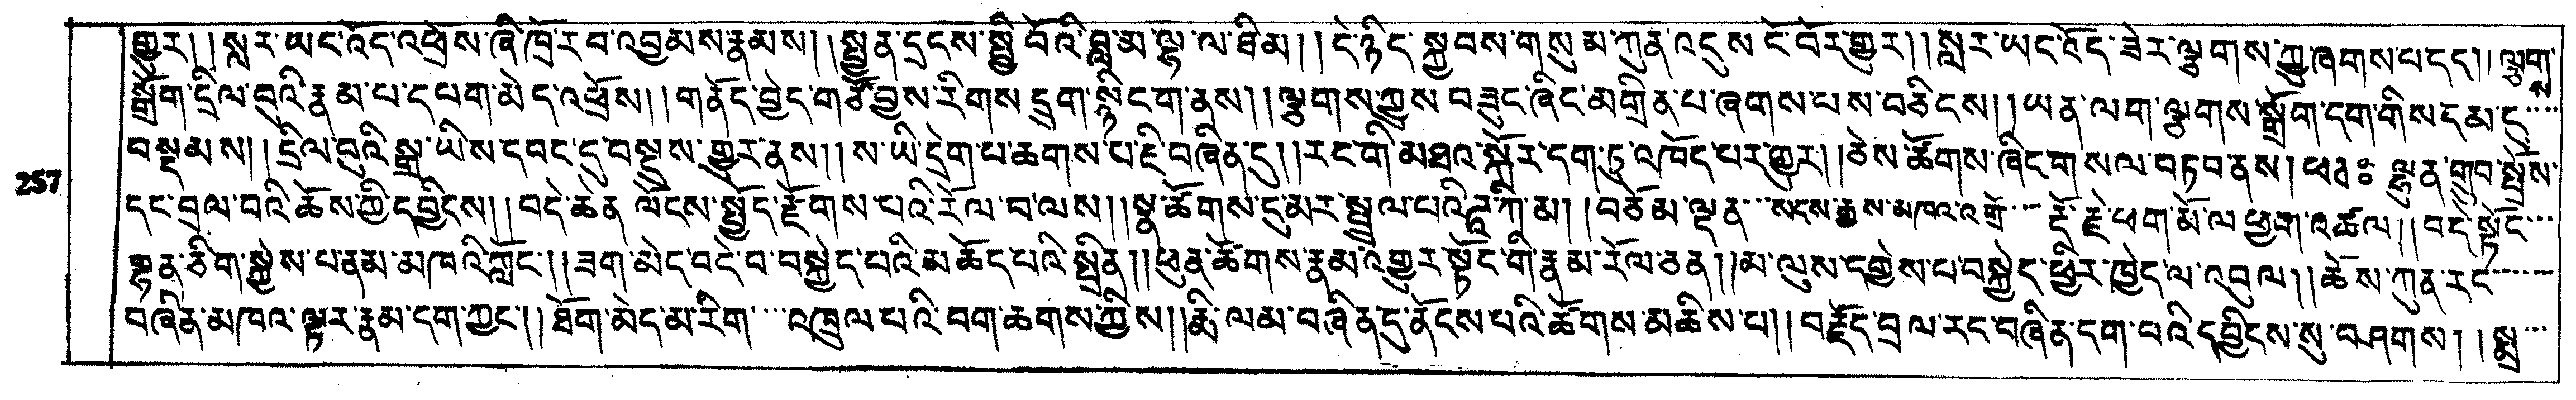གྱུར། །སླར་ཡང་འོད་འཕྲོས་ཞི་ཁྲོ་རབ་འབྱམས་རྣམས། །སྤྱན་དྲངས་སྤྱི་བོའི་བླ་མ་ལྷ་ལ་ཐིམ། །དེ་ཉིད་སྐྱབས་གསུམ་ཀུན་འདུས་ངོ་བོར་གྱུར། །སླར་ཡང་འོད་ཟེར་ལྕགས་ཀྱུ་ཞགས་པ་དང་། །ལྕགས་
སྒྲོག་དྲིལ་བུའི་རྣམ་པ་དཔག་མེད་འཕྲོས། །གནོད་བྱེད་གཙོ་བྱས་རིགས་དྲུག་སྙིང་ག་ནས། །ལྕགས་ཀྱུས་བཟུང་ཞིང་མགྲིན་པ་ཞགས་པས་བཅིངས། །ཡན་ལག་ལྕགས་སྒྲོག་དག་གིས་དམ་དུ་
བསྡམས། །དྲིལ་བུའི་སྒྲ་ཡིས་དབང་དུ་བསྡུས་གྱུར་ནས། །ས་ཡི་དྲེག་པ་ཆགས་པ་ཇི་བཞིན་དུ། །རང་གི་མཐའ་སྐོར་དག་ཏུ་འཁོད་པར་གྱུར། །ཅེས་ཚོགས་ཞིང་གསལ་བཏབ་ནས། ཕཊཿ ལྷུན་གྲུབ་སྤྲོས་
དང་བྲལ་བའི་ཆོས་ཀྱི་དབྱིངས། །བདེ་ཆེན་ལོངས་སྤྱོད་རྫོགས་པའི་རོལ་བ་ལས། །སྣ་ཚོགས་དུ་མར་སྤྲུལ་པའི་ཌཱ་ཀི་མ། །བཅོམ་ལྡན་སངས་རྒྱས་མཁའ་འགྲོ་རྡོ་རྗེ་ཕག་མོ་ལ་ཕྱག་འཚལ། །བདེ་སྟོང་
ལྷན་ཅིག་སྐྱེས་པ་ནམ་མཁའི་ཀློང་། །ཟག་མེད་བདེ་བ་བསྐྱེད་པའི་མཆོད་པའི་སྤྲིན། །ཕུན་ཚོགས་རྣམ་འགྱུར་སྟོང་གི་རྣམ་རོལ་ཅན། །མ་ལུས་དགྱེས་པ་བསྐྱེད་ཕྱིར་ཁྱེད་ལ་འབུལ། །ཆོས་ཀུན་རང་
བཞིན་མཁའ་ལྟར་རྣམ་དག་ཀྱང་། །ཐོག་མེད་མ་རིག་འཁྲུལ་པའི་བག་ཆགས་ཀྱིས། །རྨི་ལམ་བཞིན་དུ་ནོངས་པའི་ཚོགས་མཆིས་པ། །བརྗོད་བྲལ་རང་བཞིན་དག་པའི་དབྱིངས་སུ་བཤགས། །སྨྲ་